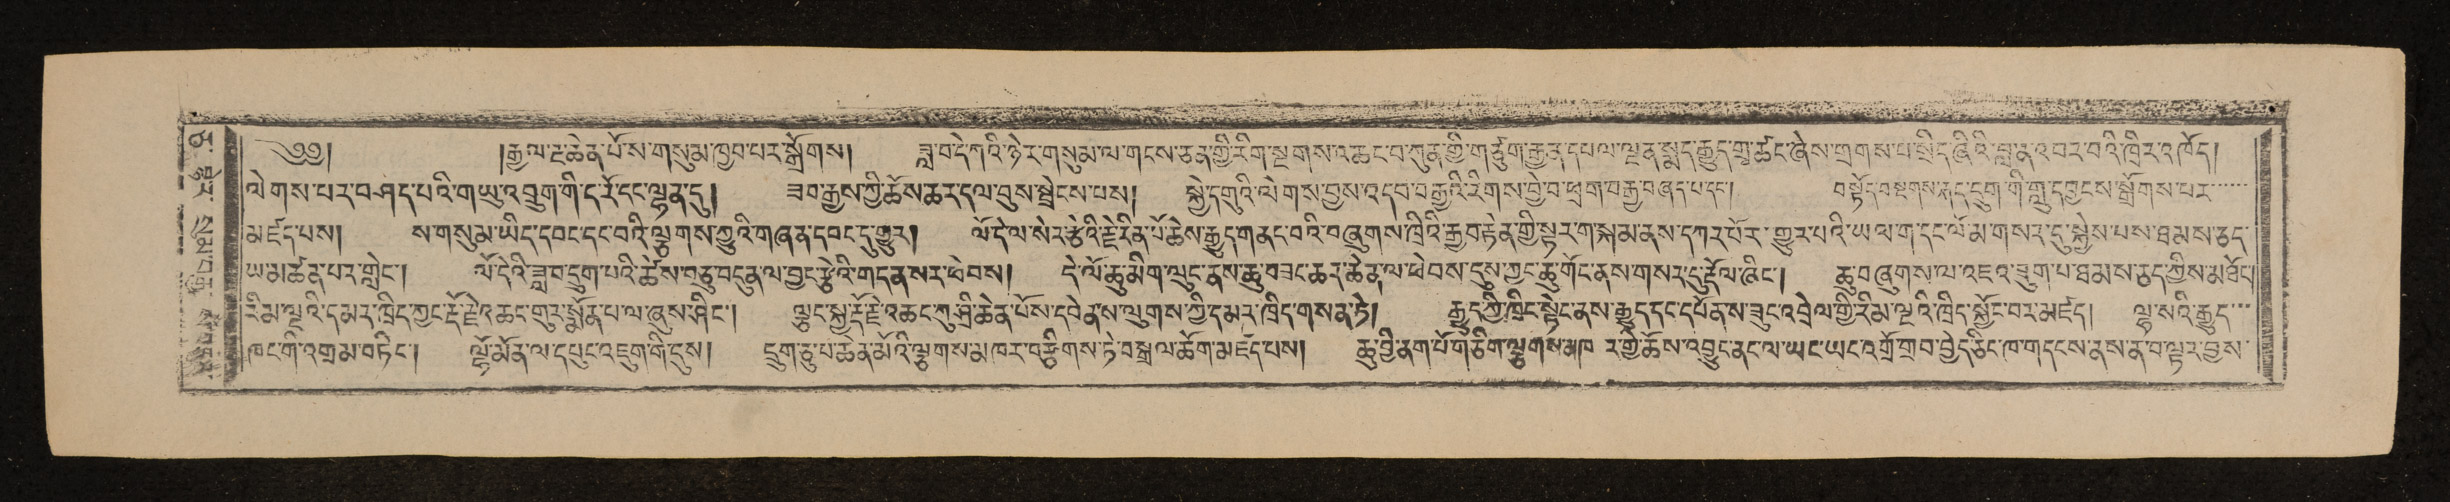༄༅། །རྒྱལ་རྔ་ཆེན་པོས་གསུམ་ཁྱབ་པར་སྒྲོགས། ཟླ་བ་དེ་ཀའི་ཉེར་གསུམ་ལ་གངས་ཅན་གྱི་རིག་སྔགས་འཆང་བ་ཀུན་གྱི་གཙུག་རྒྱན་དཔལ་ལྡན་སྨད་རྒྱུད་གྲྭ་ཚང་ཞེས་གྲགས་པ་སྲིད་ཞིའི་བླ་ན་འབར་བའི་ཁྲིར་འཁོད།
ལེགས་པར་བཤད་པའི་གཡུ་འབྲུག་གི་ང་རོ་དང་ལྷན་དུ། ཟབ་རྒྱས་ཀྱི་ཆོས་ཆར་དལ་བུས་སྤྲེངས་པས། སྐྱེ་དགུའི་ལེགས་བྱས་འདབ་བརྒྱའི་རིགས་བྱེ་བ་ཕྲག་བརྒྱ་བཞད་པ་དང་། བསྟོད་བསྔགས་རྐང་དྲུག་གི་གླུ་དབྱངས་སྒྲོགས་པར་
མཛད་པས། ས་གསུམ་ཡིད་དབང་དང་བའི་ལྕགས་ཀྱུའི་གཞན་དབང་དུ་གྱུར། ལོ་དེ་ལ་སེར་རྩེའི་རྗེ་རིན་པོ་ཆེས་རྒྱུད་གནང་བའི་བཞུགས་ཁྲིའི་རྒྱབ་རྟེན་གྱི་སྟར་ག་སྐམ་ནས་དཀར་པོར་གྱུར་པའི་ཡལ་ག་དང་ལོ་མ་གསར་དུ་སྐྱེས་པས་ཐམས་ཅད་
ཡ་མཚན་པར་གླེང་། ལོ་དེའི་ཟླ་བ་དྲུག་པའི་ཚེས་བཅུ་བདུན་ལ་བྱང་རྩེའི་གདན་སར་ཕེབས། དེ་ལོ་ཆུ་མིག་ལུང་ནས་ཆུ་བཟང་ཆབ་ཆེན་ལ་ཕེབས་དུས་ཀྱང་ཆུ་གོང་ནས་གསར་དུ་རྡོལ་ཞིང་། ཆུ་བཞུགས་ལ་འཇའ་ཟུག་པ་ཐམས་ཅད་ཀྱིས་མཐོང་
རིམ་ལྔའི་དམར་ཁྲིད་ཀྱང་རྡོ་རྗེ་འཆང་གུར་སྨོན་པ་ལ་ཞུས་ཤིང་། ལྕང་སྐྱ་རྡོ་རྗེ་འཆང་ཀུ་ཤྲི་ཆེན་པོས་དཔེ་ནས་ལུགས་ཀྱི་དམར་ཁྲིད་གསན་ཏེ། རྒྱུད་ཀྱི་ཁྲིད་སྟེང་ནས་རྒྱུད་དང་དཔེ་ནས་ཟུང་འབྲེལ་གྱི་རིམ་ལྔའི་ཁྲིད་སྐྱོང་བར་མཛད། ལྷ་སའི་རྒྱུད་
ཁང་གི་འགྲམ་བཏིང་། ལྷོ་མོན་ལ་དཔུང་འཇུག་གི་དུས། དྲུག་ཅུ་པ་ཆེན་མོའི་ལྕགས་མཁར་བརྩིགས་ཏེ་བསྒྲལ་ཆོག་མཛད་པས། ཆུ་བྱི་ནག་པོ་གཅིག་ལྕགས་མཁར་གྱི་ཆོས་འབྱུང་ནང་ལ་ཡང་ཡང་འགྲོ་གྲབ་བྱེད་ཅིང་ཁ་གདངས་ནས་ན་བ་ལྟར་བྱས་